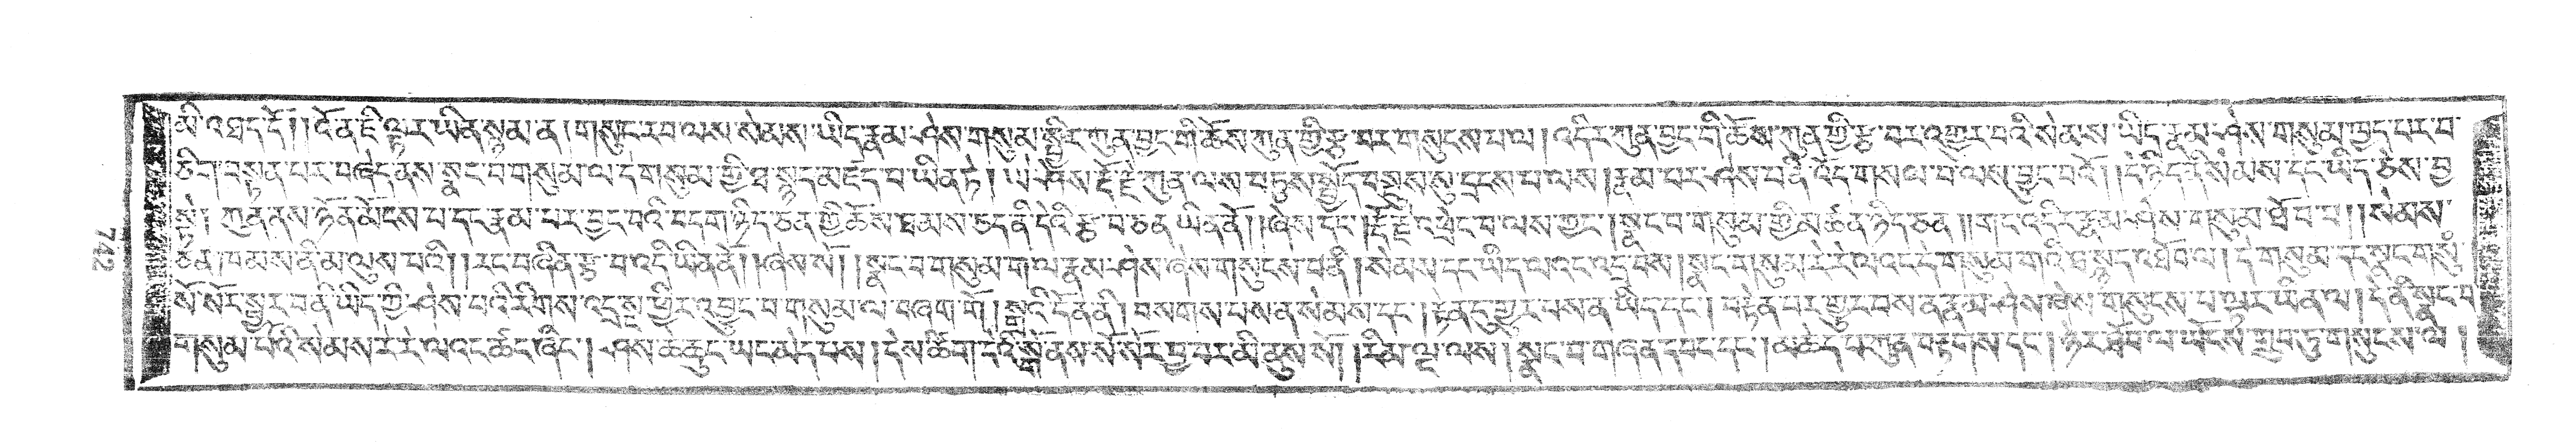མི་འཐད་དོ། །འོ་ན་ཇི་ལྟར་ཡིན་སྙམ་ན། གསུང་རབ་ལས་སེམས་ཡིད་རྣམ་ཤེས་གསུམ་སྤྱིར་ཀུན་བྱང་གི་ཆོས་ཀུན་གྱི་རྩ་བར་གསུངས་པ་ལ། འདིར་ཀུན་བྱང་གི་ཆོས་ཀུན་གྱི་རྩ་བར་འགྱུར་བའི་སེམས་ཡིད་རྣམ་ཤེས་གསུམ་ཁྱད་པར་བ་
ཅིག་བསྟན་པར་བཞེད་ནས་སྣང་བ་གསུམ་ལ་དེ་གསུམ་གྱི་ཐ་སྙད་མཛད་པ་ཡིན་ཏེ། ཡེ་ཤེས་རྡོ་རྗེ་ཀུན་ལས་བཏུས་སྤྱོད་བསྡུས་སུ་དྲངས་པ་ལས། རྣམ་པར་ཤེས་པ་ནི་འོད་གསལ་བ་ལས་བྱུང་བའོ། །དེ་ཉིད་ནི་སེམས་དང་ཡིད་ཅེས་བྱ་
སྟེ། ཀུན་ནས་ཉོན་མོངས་པ་དང་རྣམ་པར་བྱང་བའི་བདག་ཉིད་ཅན་གྱི་ཆོས་ཐམས་ཅད་ནི་དེའི་རྩ་བ་ཅན་ཡིན་ནོ། །ཞེས་དང་། རྡོ་རྗེ་འཕྲེང་བ་ལས་ཀྱང་། སྣང་བ་གསུམ་གྱི་མཚན་ཉིད་ཅན། །གང་འདིར་རྣམ་ཤེས་གསུམ་ཐོབ་པ། །སེམས་
ཅན་ཁམས་ནི་མ་ལུས་པའི། །རང་བཞིན་རྩ་བ་འདི་ཡིན་ནོ། །ཞེས་སོ། །སྣང་བ་གསུམ་ག་ལ་རྣམ་ཤེས་ཞེས་གསུངས་པ་ནི་།སེམས་དང་ཡིད་ལའང་འདྲ་བས། སྣང་གསུམ་རེ་རེ་ལའང་དེ་གསུམ་གའི་ཐ་སྙད་འཐོབ་ལ། དེ་གསུམ་དང་སྣང་གསུམ་
སོ་སོར་སྦྱར་བ་ནི་ཡིད་ཀྱི་ཤེས་པའི་རིགས་འདྲ་སྔ་ཕྱིར་འབྱུང་བ་གསུམ་ལ་བཞག་གོ །སྒྲའི་དོན་ནི། བསགས་པས་ན་སེམས་དང་། རྟེན་དུ་གྱུར་པས་ན་ཡིད་དང་། བརྟེན་པར་གྱུར་པས་ན་རྣམ་ཤེས་ཞེས་གསུངས་པ་ལྟར་ཡིན་ལ། དེ་ནི་སྣང་བ་
གསུམ་པོའི་སེམས་རེ་རེ་ལའང་ཚང་ཞིང་། ཤས་ཆེ་ཆུང་ཡང་མེད་པས། དེས་ཚིག་དེའི་སྒོ་ནས་སོ་སོར་བྱ་བར་མི་ནུས་སོ། །རིམ་ལྔ་ལས། སྣང་བ་གཞན་དབང་དང་། མཆེད་པ་ཀུན་བརྟགས་དང་།ཉེར་ཐོབ་ལ་ཡོངས་གྲུབ་ཏུ་གསུངས་ལ།